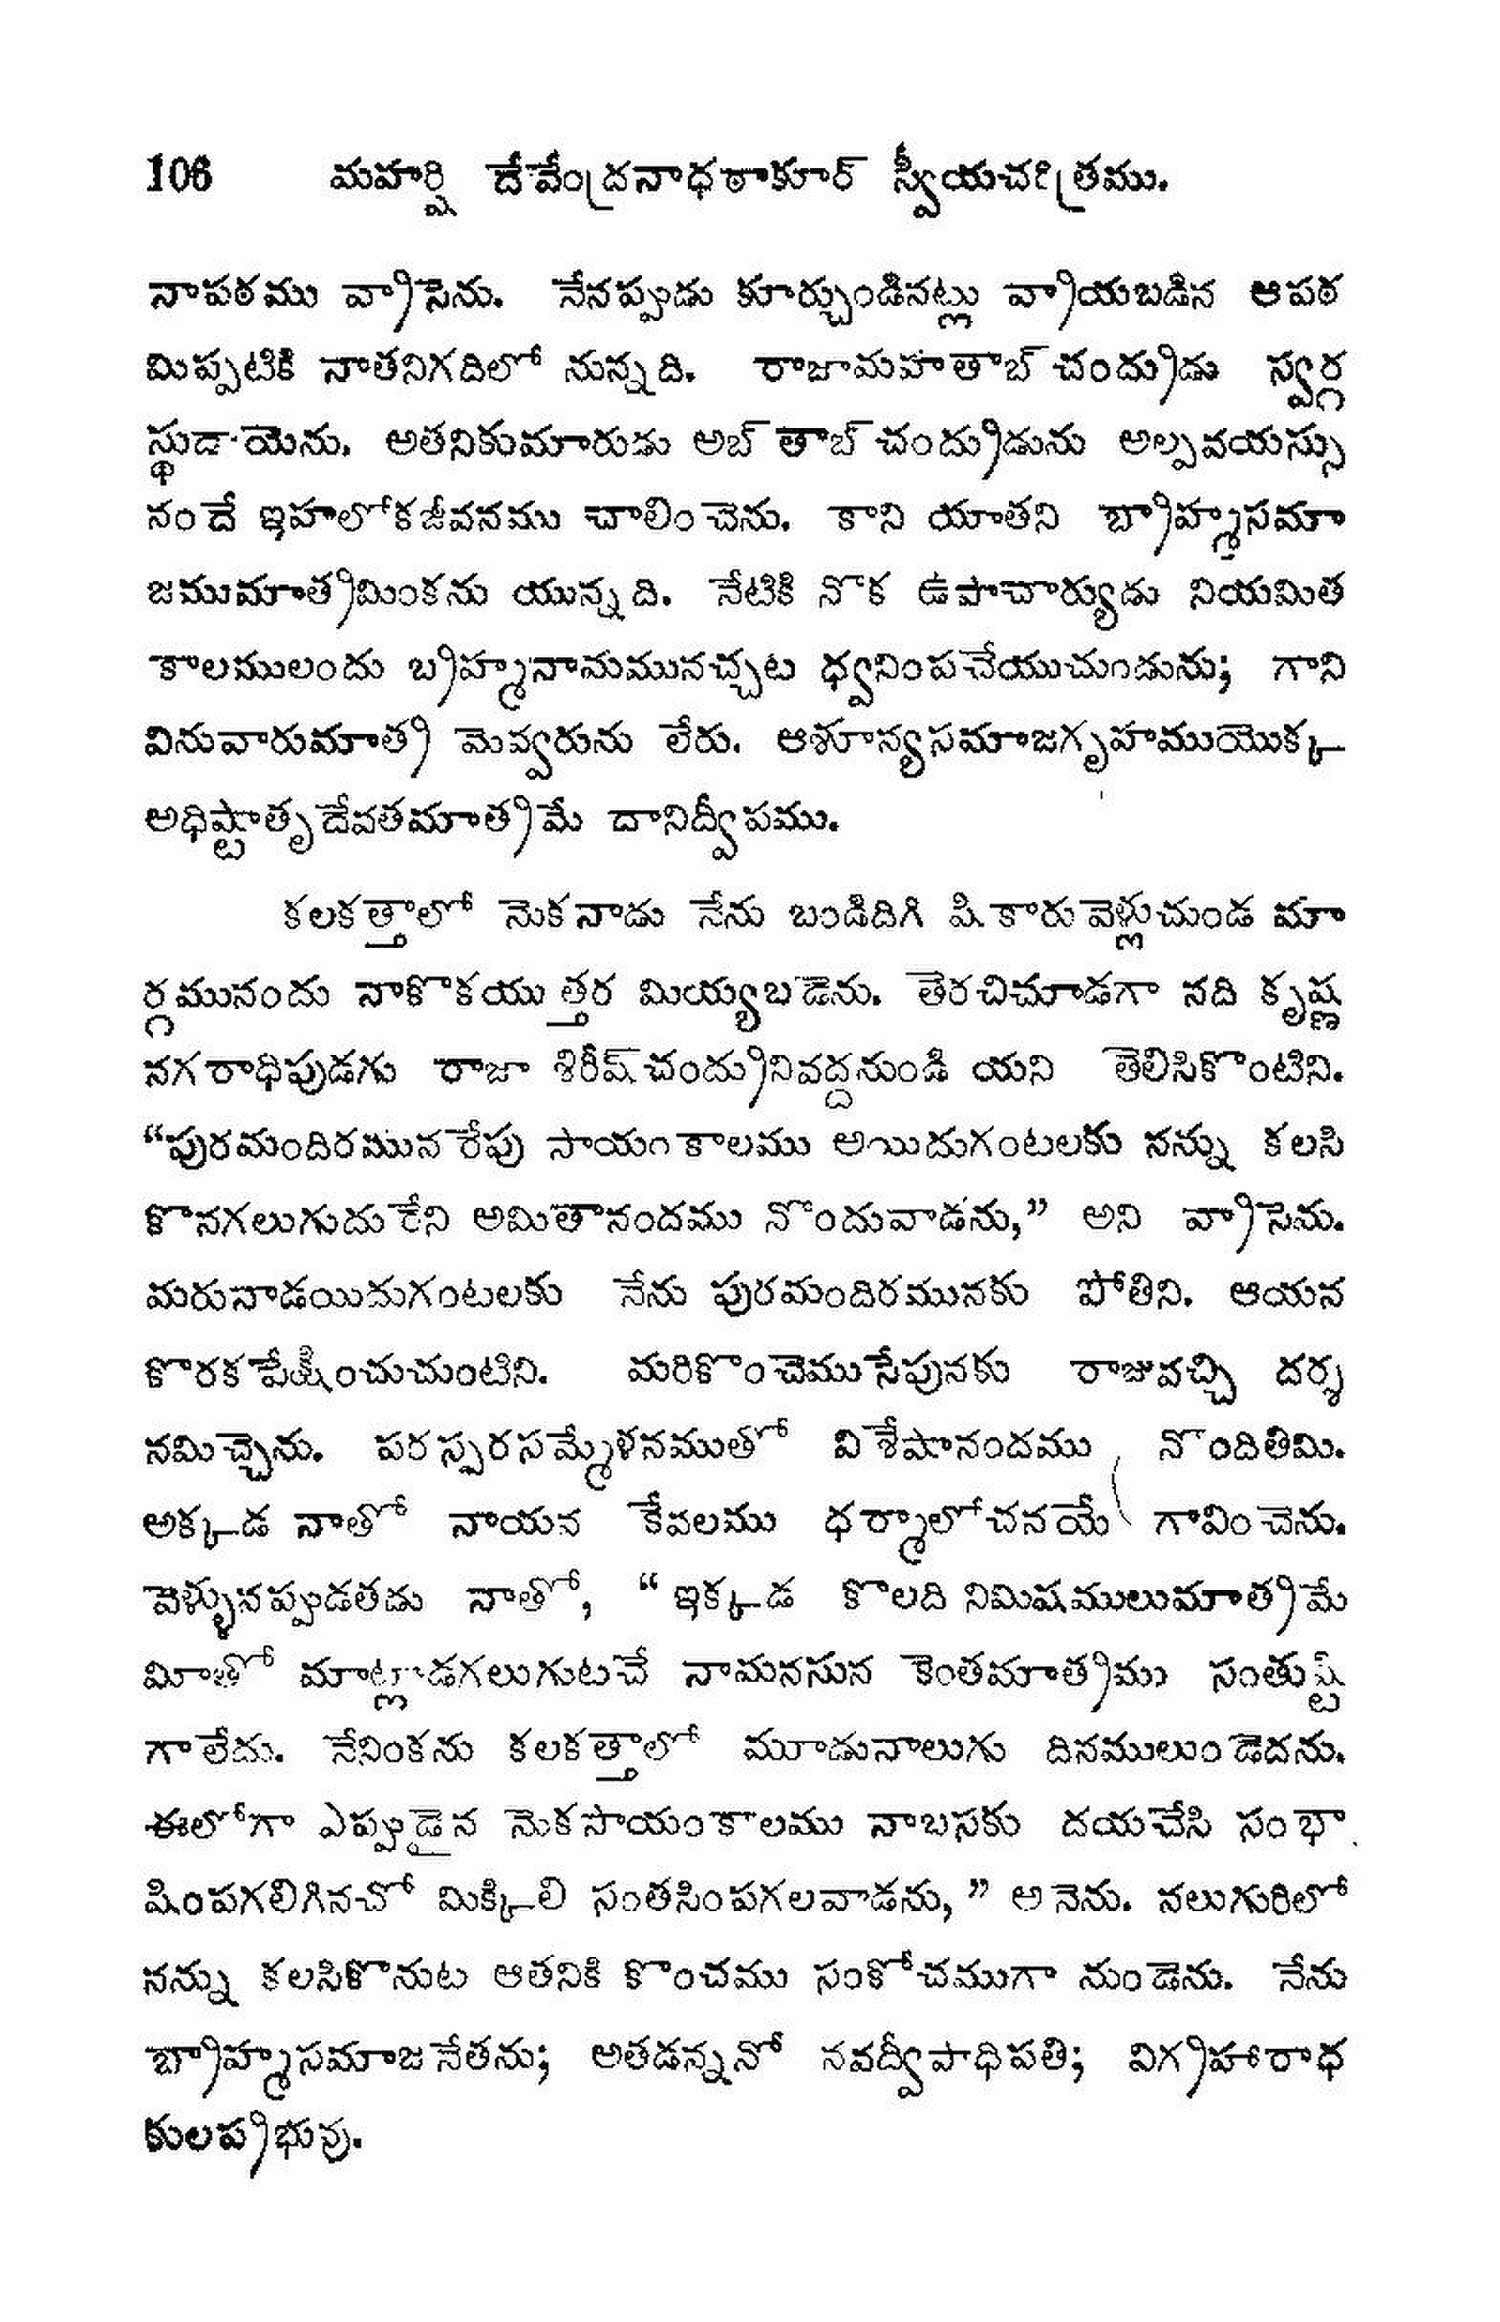నాపఠము వాసెను. నేనప్పుడు కూర్చుండినట్లు వాయబడిన ఆపఠ
మిప్పటికి నాతని గదిలో నున్నది. రాజమహతాబ్ చందుడు స్వర్గ
స్థుడా'యెను. అతని కుమారుడు అబ్ తాబ్ చంద్రుడును అల్ప వయస్సు
నందే ఇహలోక జీవనము చాలించెను. కాని యాతని బ్రాహ్మసమా
జముమాత్రమింకను యున్నది. నేటికి నొక ఉపాచార్యుడు నియమిత
కాలము లందు బ్రహ్మనామము నచ్చట ధ్వనింప చేయుచుండును; గాని
వినువారుమాత్ర మెవ్వరును లేరు. ఆశూన్య సమాజ గృహము యొక్క
అధిష్ఠాతృదేవతమాత్రమే దానిద్వీపము.

కలకత్తాలో ఒక నాడు నేను బండి దిగి షికారు వెళ్లుచుండ మా
ర్గమునందు నాకొక యుత్తర మియ్యబడెను. తరచిచూడగా నది కృష్ణ
నగరాధిపుడగు 'రాజా శిరీష్ చంద్రుని వద్దనుండియని తెలిసికొంటిని.
"పురమందిరమున రేపు సాయంకాలము అయిదుగంటలకు నన్ను కలసి
కొనగలుగుదు రేని అమితానందము నొందువాడను,” అని 'వాసెను. మరునాడయిదుగంటలకు నేను పురమందిరమునకు పోతిని. ఆయన
కొరక పేక్షించుచుంటిని. మరికొంచెము సేపునకు రాజు వచ్చి దర్శ
నమిచ్చెను. పరస్పర సమ్మేళనముత విశేషానందము నొందితిమి.
అక్కడ నాతో నాయన కేవలము ధర్మాలోచనయే గావించెను.
వెళ్ళునప్పుడతడు నాతో,ఇక్కడ కొలది నిమిషములుమాత్రమే
మీతో మాట్లాడగలుగుటచే నామనసున కెంతమాత్రము సంతుష్టి
గాలేదు. నేనింకను కలకత్తాలో మూడునాలుగు దినములుండెదను,
ఈలోగా ఎప్పుడైన ఒక సాయంకాలము నాబసకు దయచేసి సంభా
షింప గలిగినచో మిక్కిలి సంతసింపగలవాడను, ” అనెను. నలుగురిలో
నన్ను కలసికొనుట ఆతనికి కొంచము సంకోచముగా నుండెను. 'నేను
జాహ్మ సమాజ నేతను; అతడన్ననో నవద్వీసాధిపతి; విగ్రహారాధ
కుల ప్రభువు